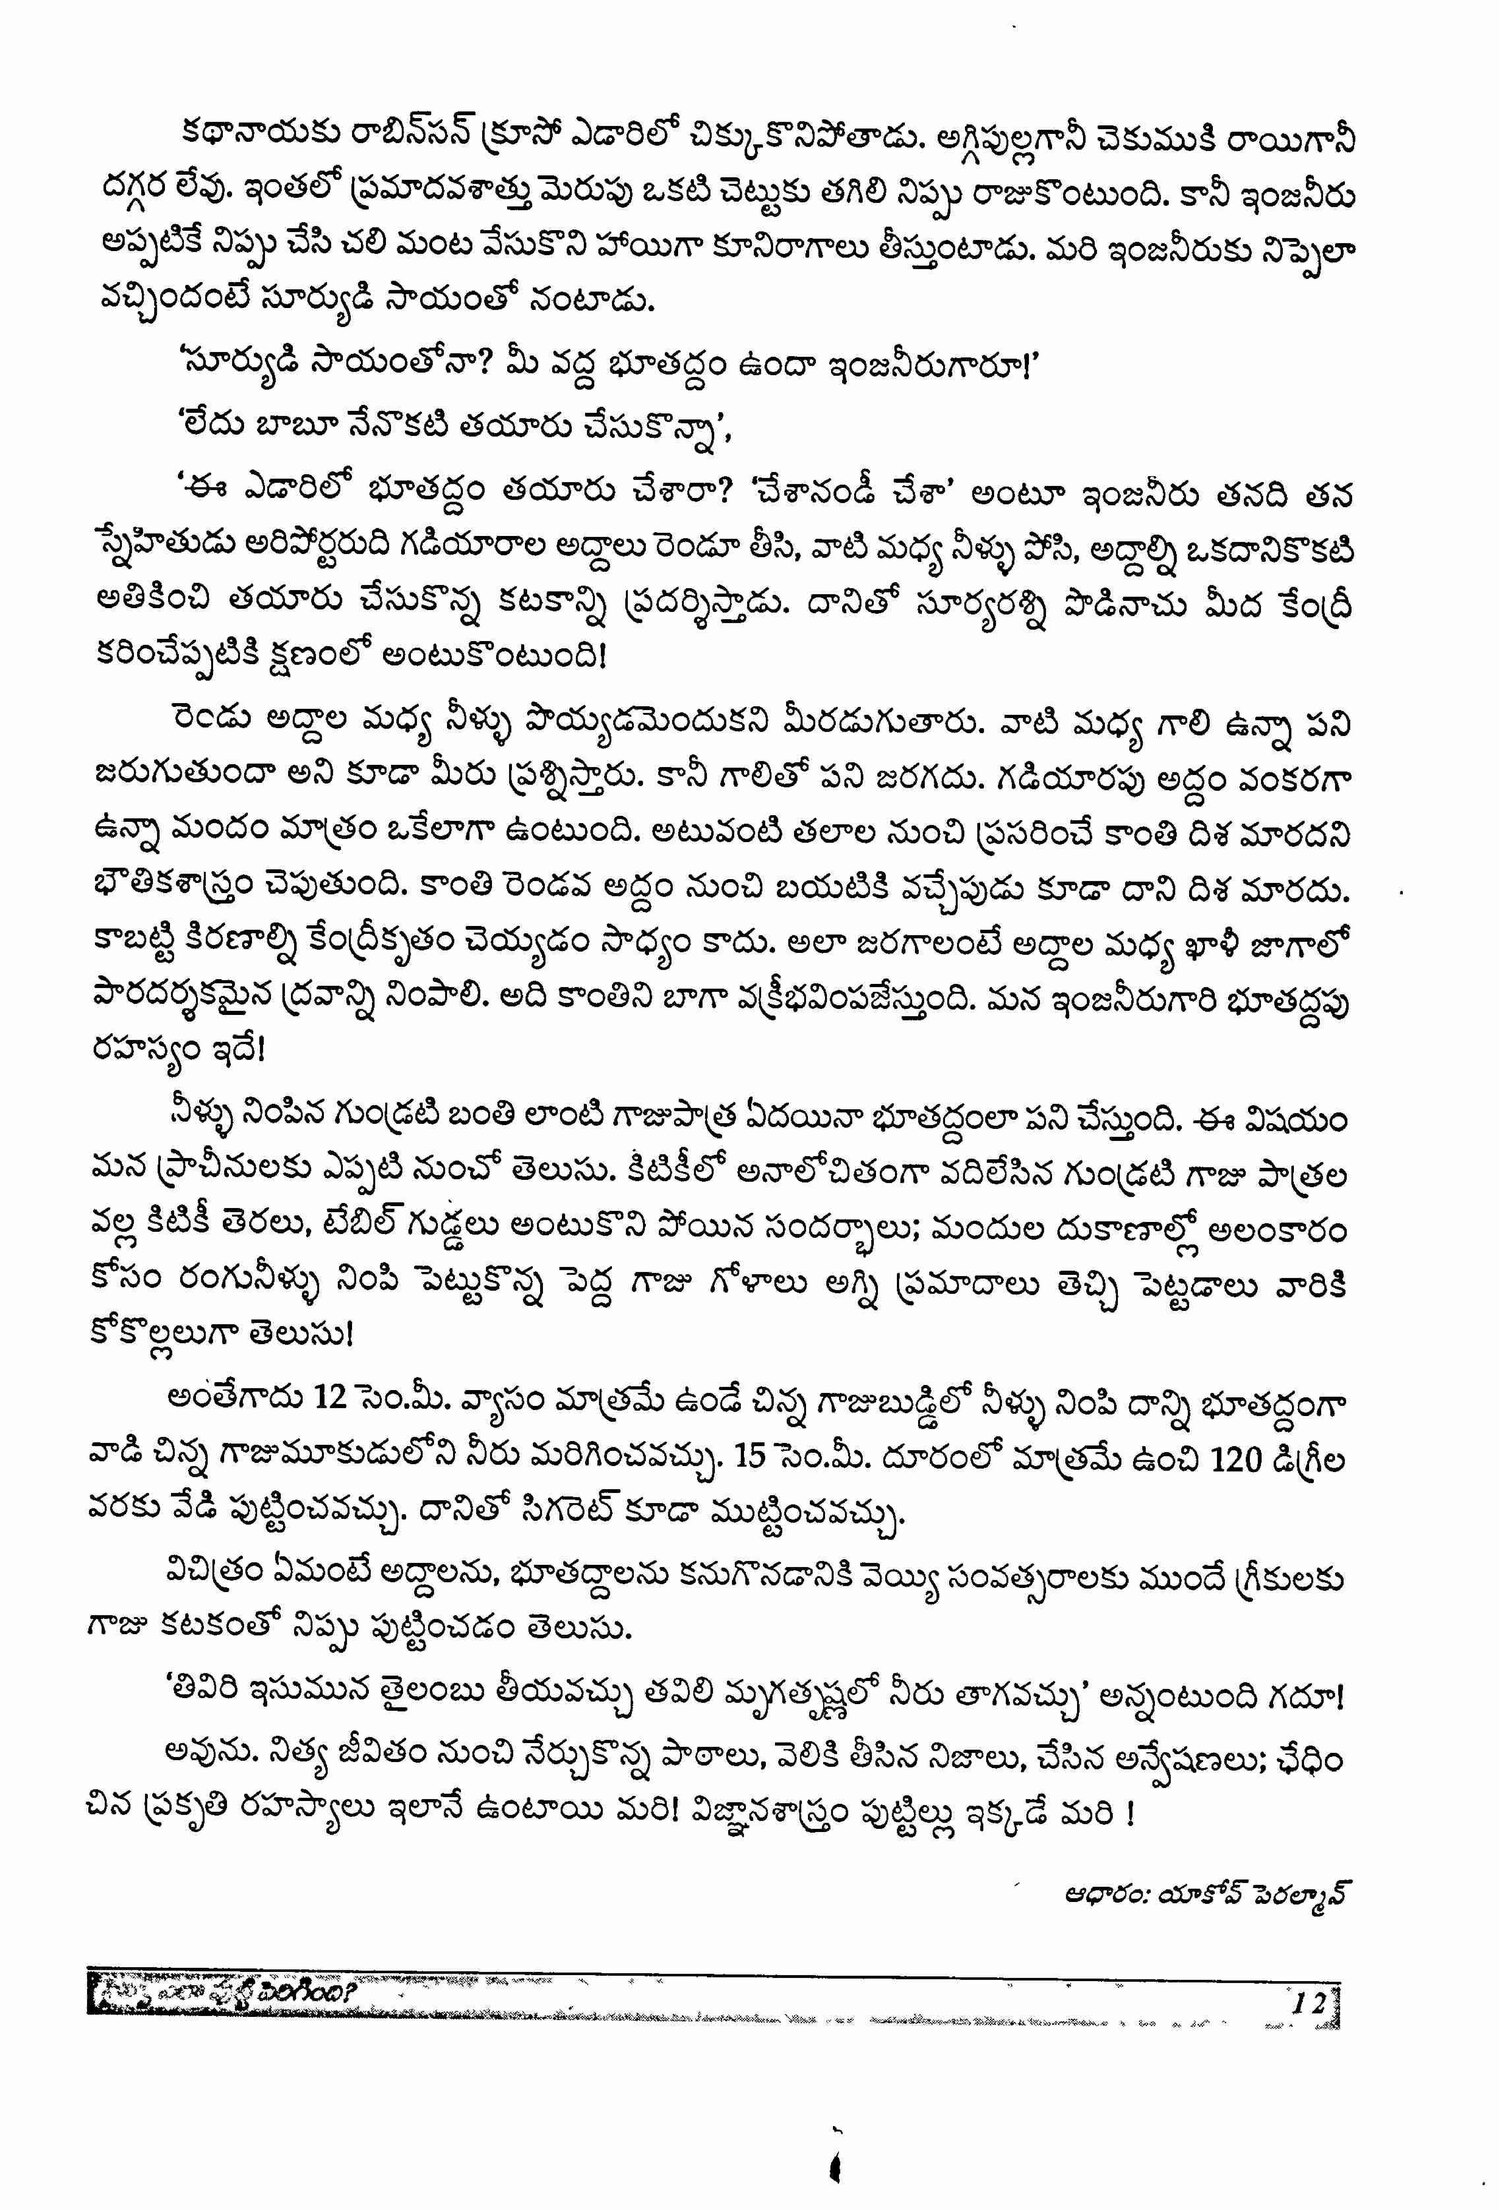కథానాయకు రాబిన్‌సన్ క్రూసో ఎడారిలో చిక్కుకొనిపోతాడు. అగ్గిపుల్లగానీ చెకుముకి రాయిగానీ దగ్గర లేవు. ఇంతలో ప్రమాదవశాత్తు మెరుపు ఒకటి చెట్టుకు తగిలి నిప్పు రాజుకొంటుంది. కానీ ఇంజనీరు అప్పటికే నిప్పు చేసి చలి మంట వేసుకొని హాయిగా కూనిరాగాలు తీస్తుంటాడు. మరి ఇంజనీరుకు నిప్పెలా వచ్చిందంటే సూర్యుడి సాయంతో నంటాడు.

'సూర్యుడి సాయంతోనా? మీ వద్ద భూతద్దం ఉందా ఇంజనీరుగారూ!'

'లేదు బాబూ నేనొకటి తయారు చేసుకొన్నా',

'ఈ ఎడారిలో భూతద్దం తయారు చేశారా? 'చేశానండీ చేశా' అంటూ ఇంజనీరు తనది తన స్నేహితుడు అరిపోర్టరుది గడియారాల అద్దాలు రెండూ తీసి, వాటి మధ్య నీళ్ళు పోసి, అద్దాల్ని ఒకదానికొకటి అతికించి తయారు చేసుకొన్న కటకాన్ని ప్రదర్శిస్తాడు. దానితో సూర్యరశ్ని పొడినాచు మీద కేంద్రీకరించేప్పటికి క్షణంలో అంటుకొంటుంది!

రెండు అద్దాల మధ్య నీళ్ళు పొయ్యడమెందుకని మీరడుగుతారు. వాటి మధ్య గాలి ఉన్నా పని జరుగుతుందా అని కూడా మీరు ప్రశ్నిస్తారు. కానీ గాలితో పని జరగదు. గడియారపు అద్దం వంకరగా ఉన్నా మందం మాత్రం ఒకేలాగా ఉంటుంది. అటువంటి తలాల నుంచి ప్రసరించే కాంతి దిశ మారదని భౌతికశాస్త్రం చెపుతుంది. కాంతి రెండవ అద్దం నుంచి బయటికి వచ్చేపుడు కూడా దాని దిశ మారదు. కాబట్టి కిరణాల్ని కేంద్రీకృతం చెయ్యడం సాధ్యం కాదు. అలా జరగాలంటే అద్దాల మధ్య ఖాళీ జాగాలో పారదర్శకమైన ద్రవాన్ని నింపాలి. అది కాంతిని బాగా వక్రీభవింపజేస్తుంది. మన ఇంజనీరుగారి భూతద్దపు రహస్యం ఇదే!

నీళ్ళు నింపిన గుండ్రటి బంతి లాంటి గాజుపాత్ర ఏదయినా భూతద్దంలా పని చేస్తుంది. ఈ విషయం మన ప్రాచీనులకు ఎప్పటి నుంచో తెలుసు. కీటికీలో అనాలోచితంగా వదిలేసిన గుండ్రటి గాజు పాత్రల వల్ల కిటికీ తెరలు, టేబిల్ గుడ్డలు అంటుకొని పోయిన సందర్భాలు; మందుల దుకాణాల్లో అలంకారం కోసం రంగునీళ్ళు నింపి పెట్టుకొన్న పెద్ద గాజు గోళాలు అగ్ని ప్రమాదాలు తెచ్చి పెట్టడాలు వారికి కోకొల్లలుగా తెలుసు!

అంతేగాదు 12 సెం.మీ. వ్యాసం మాత్రమే ఉండే చిన్న గాజుబుడ్డిలో నీళ్ళు నింపి దాన్ని భూతద్దంగా వాడి చిన్న గాజుమూకుడులోని నీరు మరిగించవచ్చు. 15 సెం.మీ. దూరంలో మాత్రమే ఉంచి 120 డిగ్రీల వరకు వేడి పుట్టించవచ్చు. దానితో సిగరెట్ కూడా ముట్టించవచ్చు.

విచిత్రం ఏమంటే అద్దాలను, భూతద్దాలను కనుగొనడానికి వెయ్యి సంవత్సరాలకు ముందే గ్రీకులకు గాజు కటకంతో నిప్పు పుట్టించడం తెలుసు.

'తివిరి ఇసుమున తైలంబు తీయవచ్చు తవిలి మృగతృష్ణలో నీరు తాగవచ్చు' అన్నంటుంది గదూ!

అవును. నిత్య జీవితం నుంచి నేర్చుకొన్న పాఠాలు, వెలికి తీసిన నిజాలు, చేసిన అన్వేషణలు; ఛేధించిన ప్రకృతి రహస్యాలు ఇలానే ఉంటాయి మరి! విజ్ఞానశాస్త్రం పుట్టిల్లు ఇక్కడే మరి !